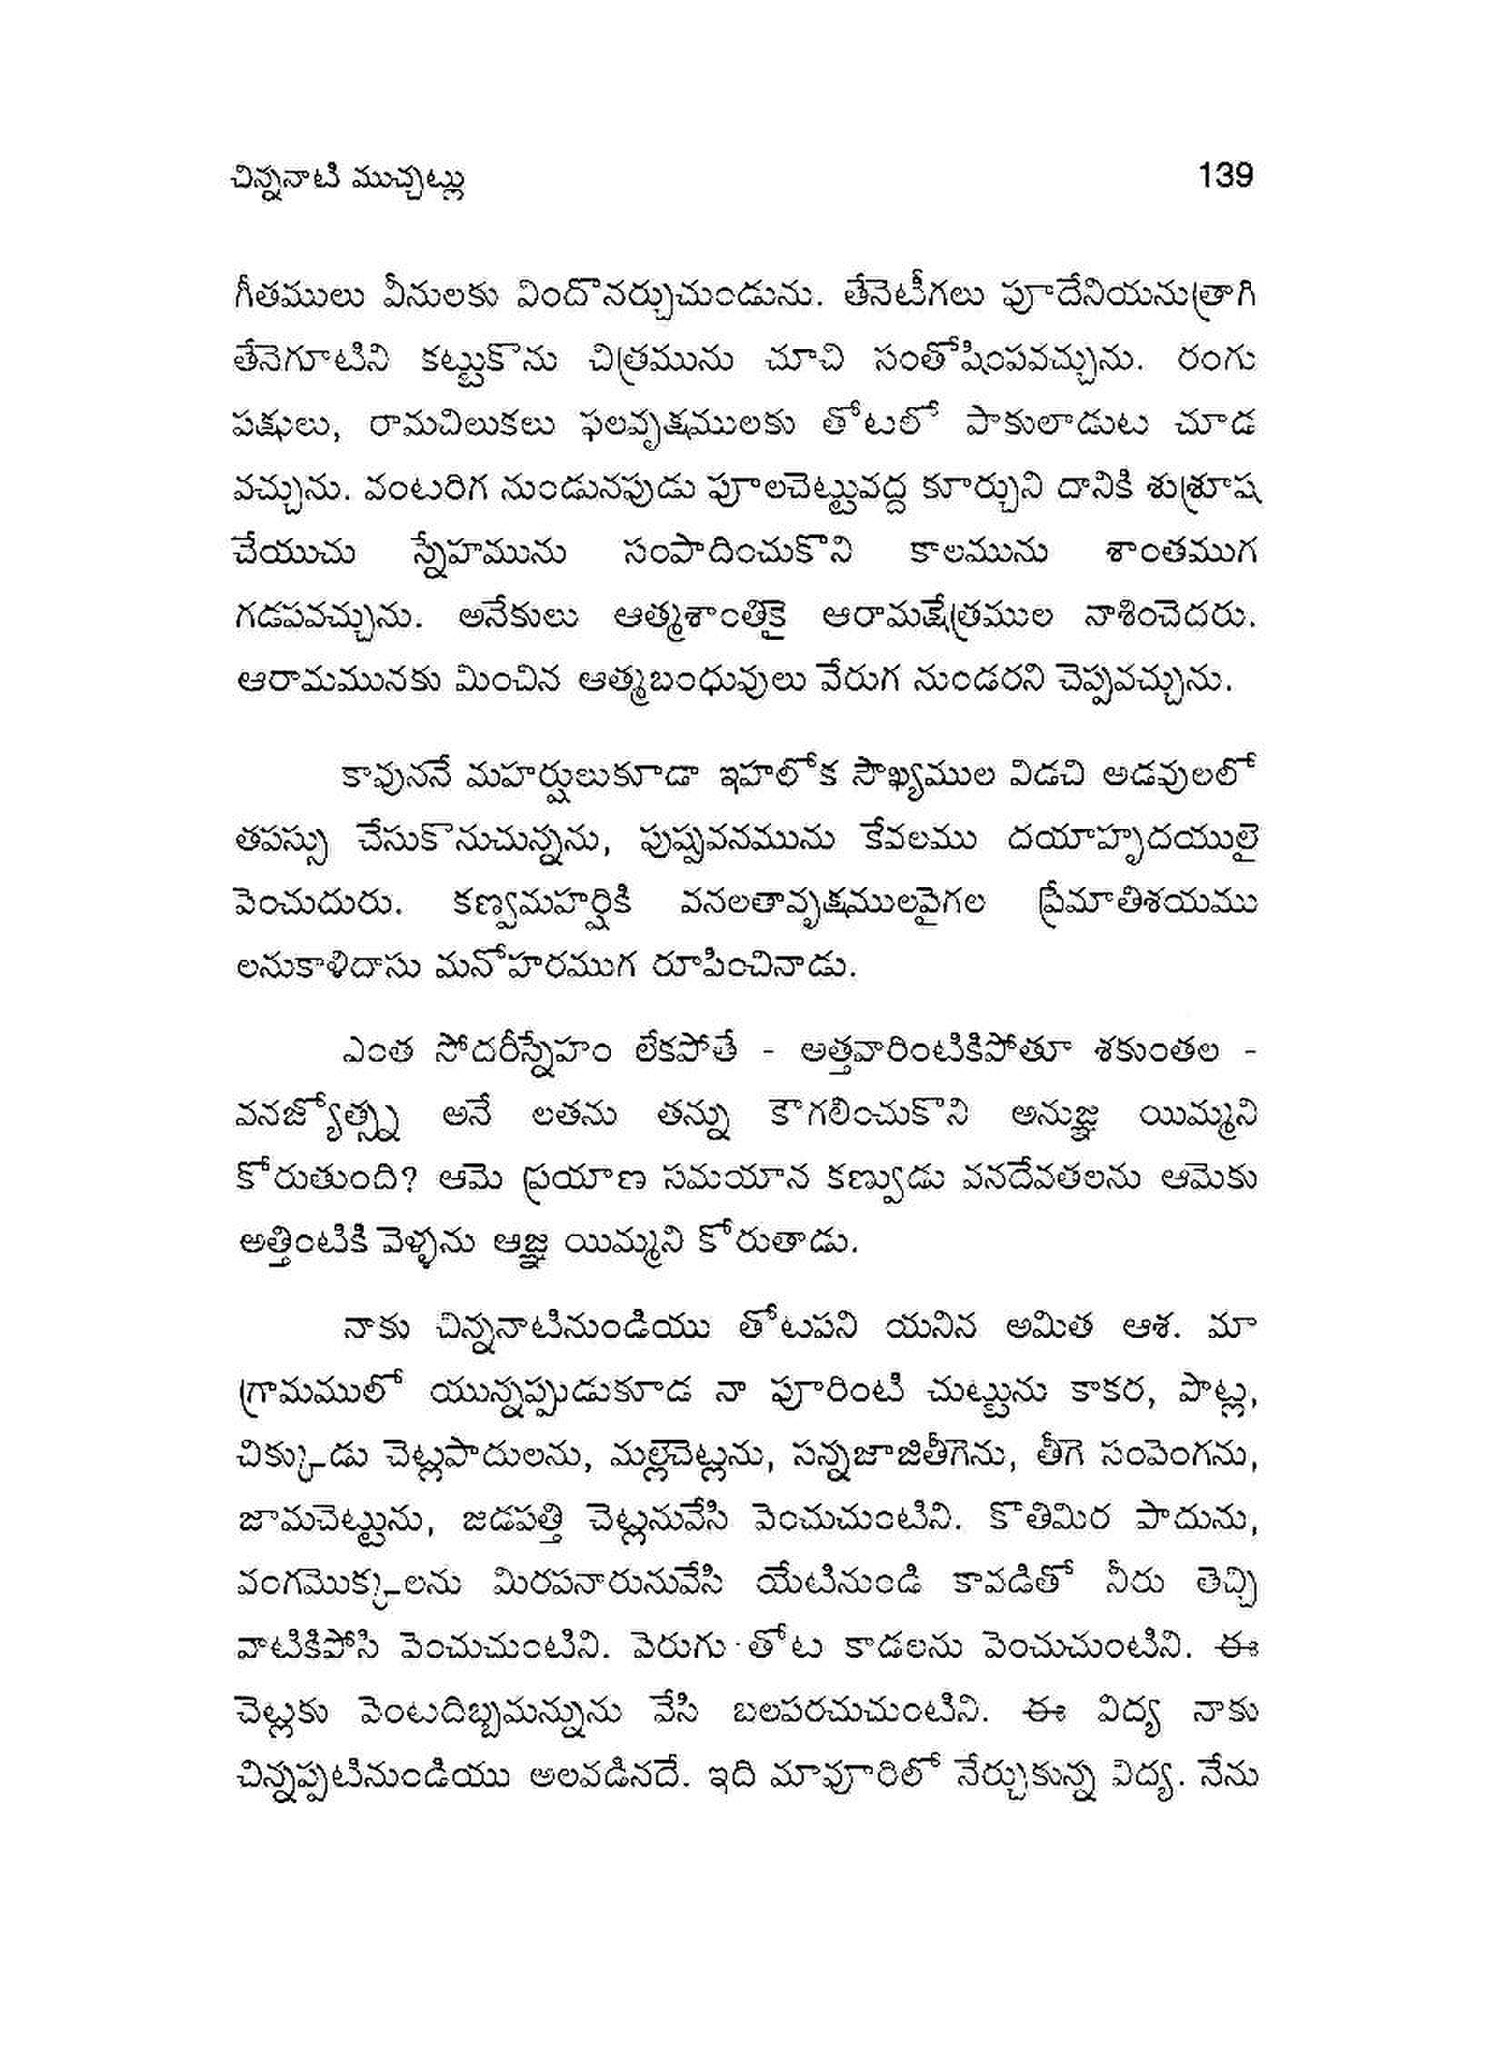గీతములు వీనులకు విందొనర్చుచుండును. తేనెటీగలు పూదేనియనుత్రాగి తేనెగూటిని కట్టుకొను చిత్రమును చూచి సంతోషింపవచ్చును. రంగు పక్షులు, రామచిలుకలు ఫలవృక్షములకు తోటలో పాకులాడుట చూడ వచ్చును. వంటరిగ నుండునపుడు పూలచెట్టువద్ద కూర్చుని దానికి శుశ్రూష చేయుచు స్నేహమును సంపాదించుకొని కాలమును శాంతముగ గడపవచ్చును. అనేకులు ఆత్మశాంతికై ఆరామక్షేత్రముల నాశించెదరు. ఆరామమునకు మించిన ఆత్మబంధువులు వేరుగ నుండరని చెప్పవచ్చును.

కావుననే మహర్షులుకూడా ఇహలోక సౌఖ్యముల విడచి అడవులలో తపస్సు చేసుకొనుచున్నను, పుప్పవనమును కేవలము దయాహృదయులై పెంచుదురు. కణ్వమహర్థికి వనలతావృక్షములపైగల ప్రేమాతిశయము లను కాళిదాసు మనోహరముగ రూపించినాడు.

ఎంత సోదరీస్నేహం లేకపోతే - అత్తవారింటికిపోతూ శకుంతల -- వనజ్యోత్స్న అనే లతను తన్ను కౌగలించుకొని అనుజ్ఞ యిమ్మని కోరుతుంది? ఆమె ప్రయాణ సమయాన కణ్వుడు వనదేవతలను ఆమెకు అత్తింటికి వెళ్ళను ఆజ్ఞ యిమ్మని కోరుతాడు.

నాకు చిన్ననాటినుండియు తోటపని యనిన అమిత ఆశ. మా గ్రామములో యున్నప్పుడుకూడ నా పూరింటి చుట్టును కాకర, పొట్ల, చిక్కుడు చెట్లపాదులను, మల్లెచెట్లను, సన్నజాజితీగెను, తీగె సంపెంగను, జామచెట్టును, జడపత్తి చెట్లనువేసి పెంచుచుంటిని. కొతిమిర పాదును, వంగమొక్కలను మిరపనారునువేసి యేటినుండి కావడితో నీరు తెచ్చి వాటికిపోసి పెంచుచుంటిని. పెరుగు తోట కాడలను పెంచుచుంటిని. ఈ చెట్టుకు పెంటదిబ్బమన్నును వేసి బలపరచుచుంటిని. ఈ విద్య నాకు చిన్నప్పటినుండియు అలవడినదే. ఇది మావూరిలో నేర్చుకున్న విద్య. నేను